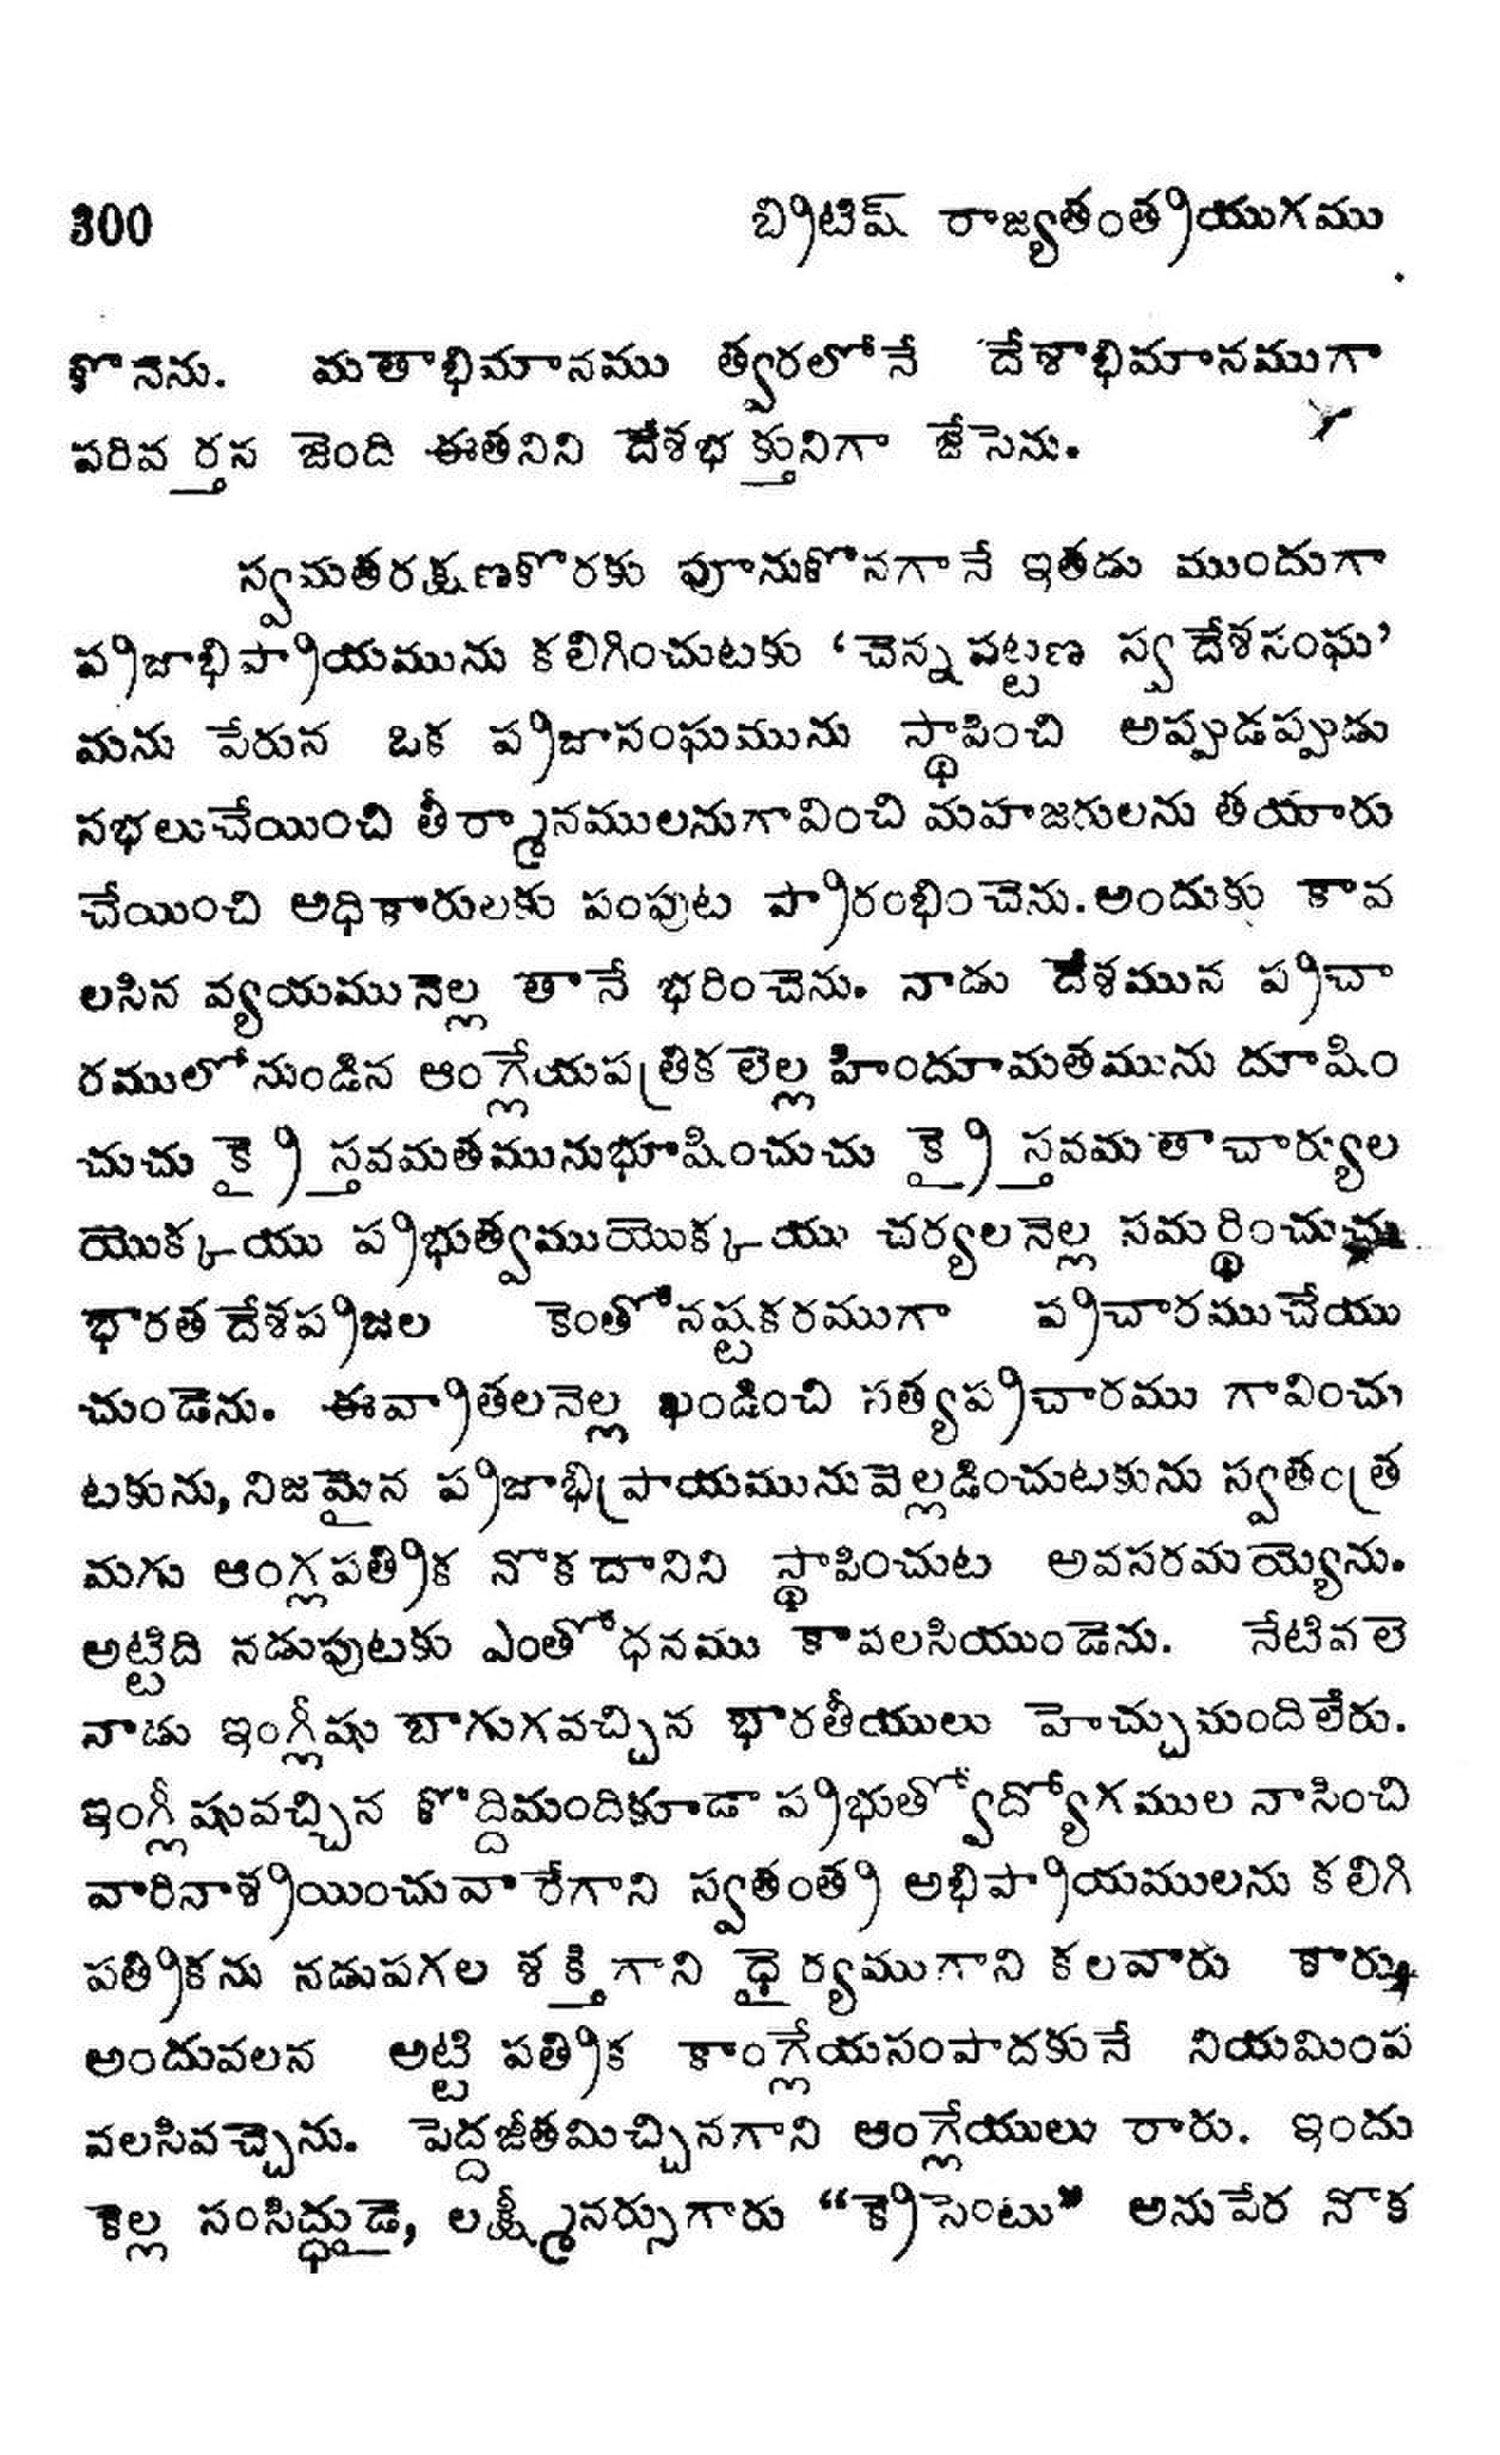కొనెను. మతాభిమానము త్వరలోనే దేశాభిమానముగా పరివర్తన జెంది ఈతనిని దేశభక్తునిగా జేసెను.

స్వమతరక్షణకొరకు పూనుకొనగానే ఇతడు ముందుగా ప్రజాభిప్రాయమును కలిగించుటకు 'చెన్నపట్టణ స్వదేశసంఘ' మను పేరున ఒక ప్రజాసంఘమును స్థాపించి అప్పుడప్పుడు సభలుచేయించి తీర్మానములనుగావించి మహజరులను తయారు చేయించి అధికారులకు పంపుట ప్రారంభించెను. అందుకు కావలసిన వ్యయమునెల్ల తానే భరించెను. నాడు దేశమున ప్రచారములోనుండిన ఆంగ్లేయపత్రికలెల్ల హిందూమతమును దూషించుచు క్రైస్తవమతమునుభూషించుచు క్రైస్తవమతాచార్యుల యొక్కయు ప్రభుత్వముయొక్కయు చర్యలనెల్ల సమర్ధించుచు భారతదేశప్రజల కెంతోనష్టకరముగా ప్రచారముచేయు చుండెను. ఈవ్రాతలనెల్ల ఖండించి సత్యప్రచారము గావించుటకును, నిజమైన ప్రజాభిప్రాయమును వెల్లడించుటకును స్వతంత్రమగు ఆంగ్లపత్రిక నొకదానిని స్థాపించుట అవసరమయ్యెను. అట్టిది నడుపుటకు ఎంతోధనము కావలసియుండెను. నేటివలె నాడు ఇంగ్లీషు బాగుగవచ్చిన భారతీయులు హెచ్చుమందిలేరు. ఇంగ్లీషువచ్చిన కొద్దిమందికూడా ప్రభుత్వోద్యోగముల నాసించి వారినాశ్రయించువారేగాని స్వతంత్ర అభిప్రాయములను కలిగి పత్రికను నడుపగల శక్తిగాని ధైర్యముగాని కలవారు కారు అందువలన అట్టి పత్రిక కాంగ్లేయసంపాదకునే నియమింప వలసివచ్చెను. పెద్దజీతమిచ్చినగాని ఆంగ్లేయులు రారు. ఇందుకెల్ల సంసిద్ధుడై, లక్ష్మీనర్సుగారు “క్రెసెంటు" అనుపేర నొక